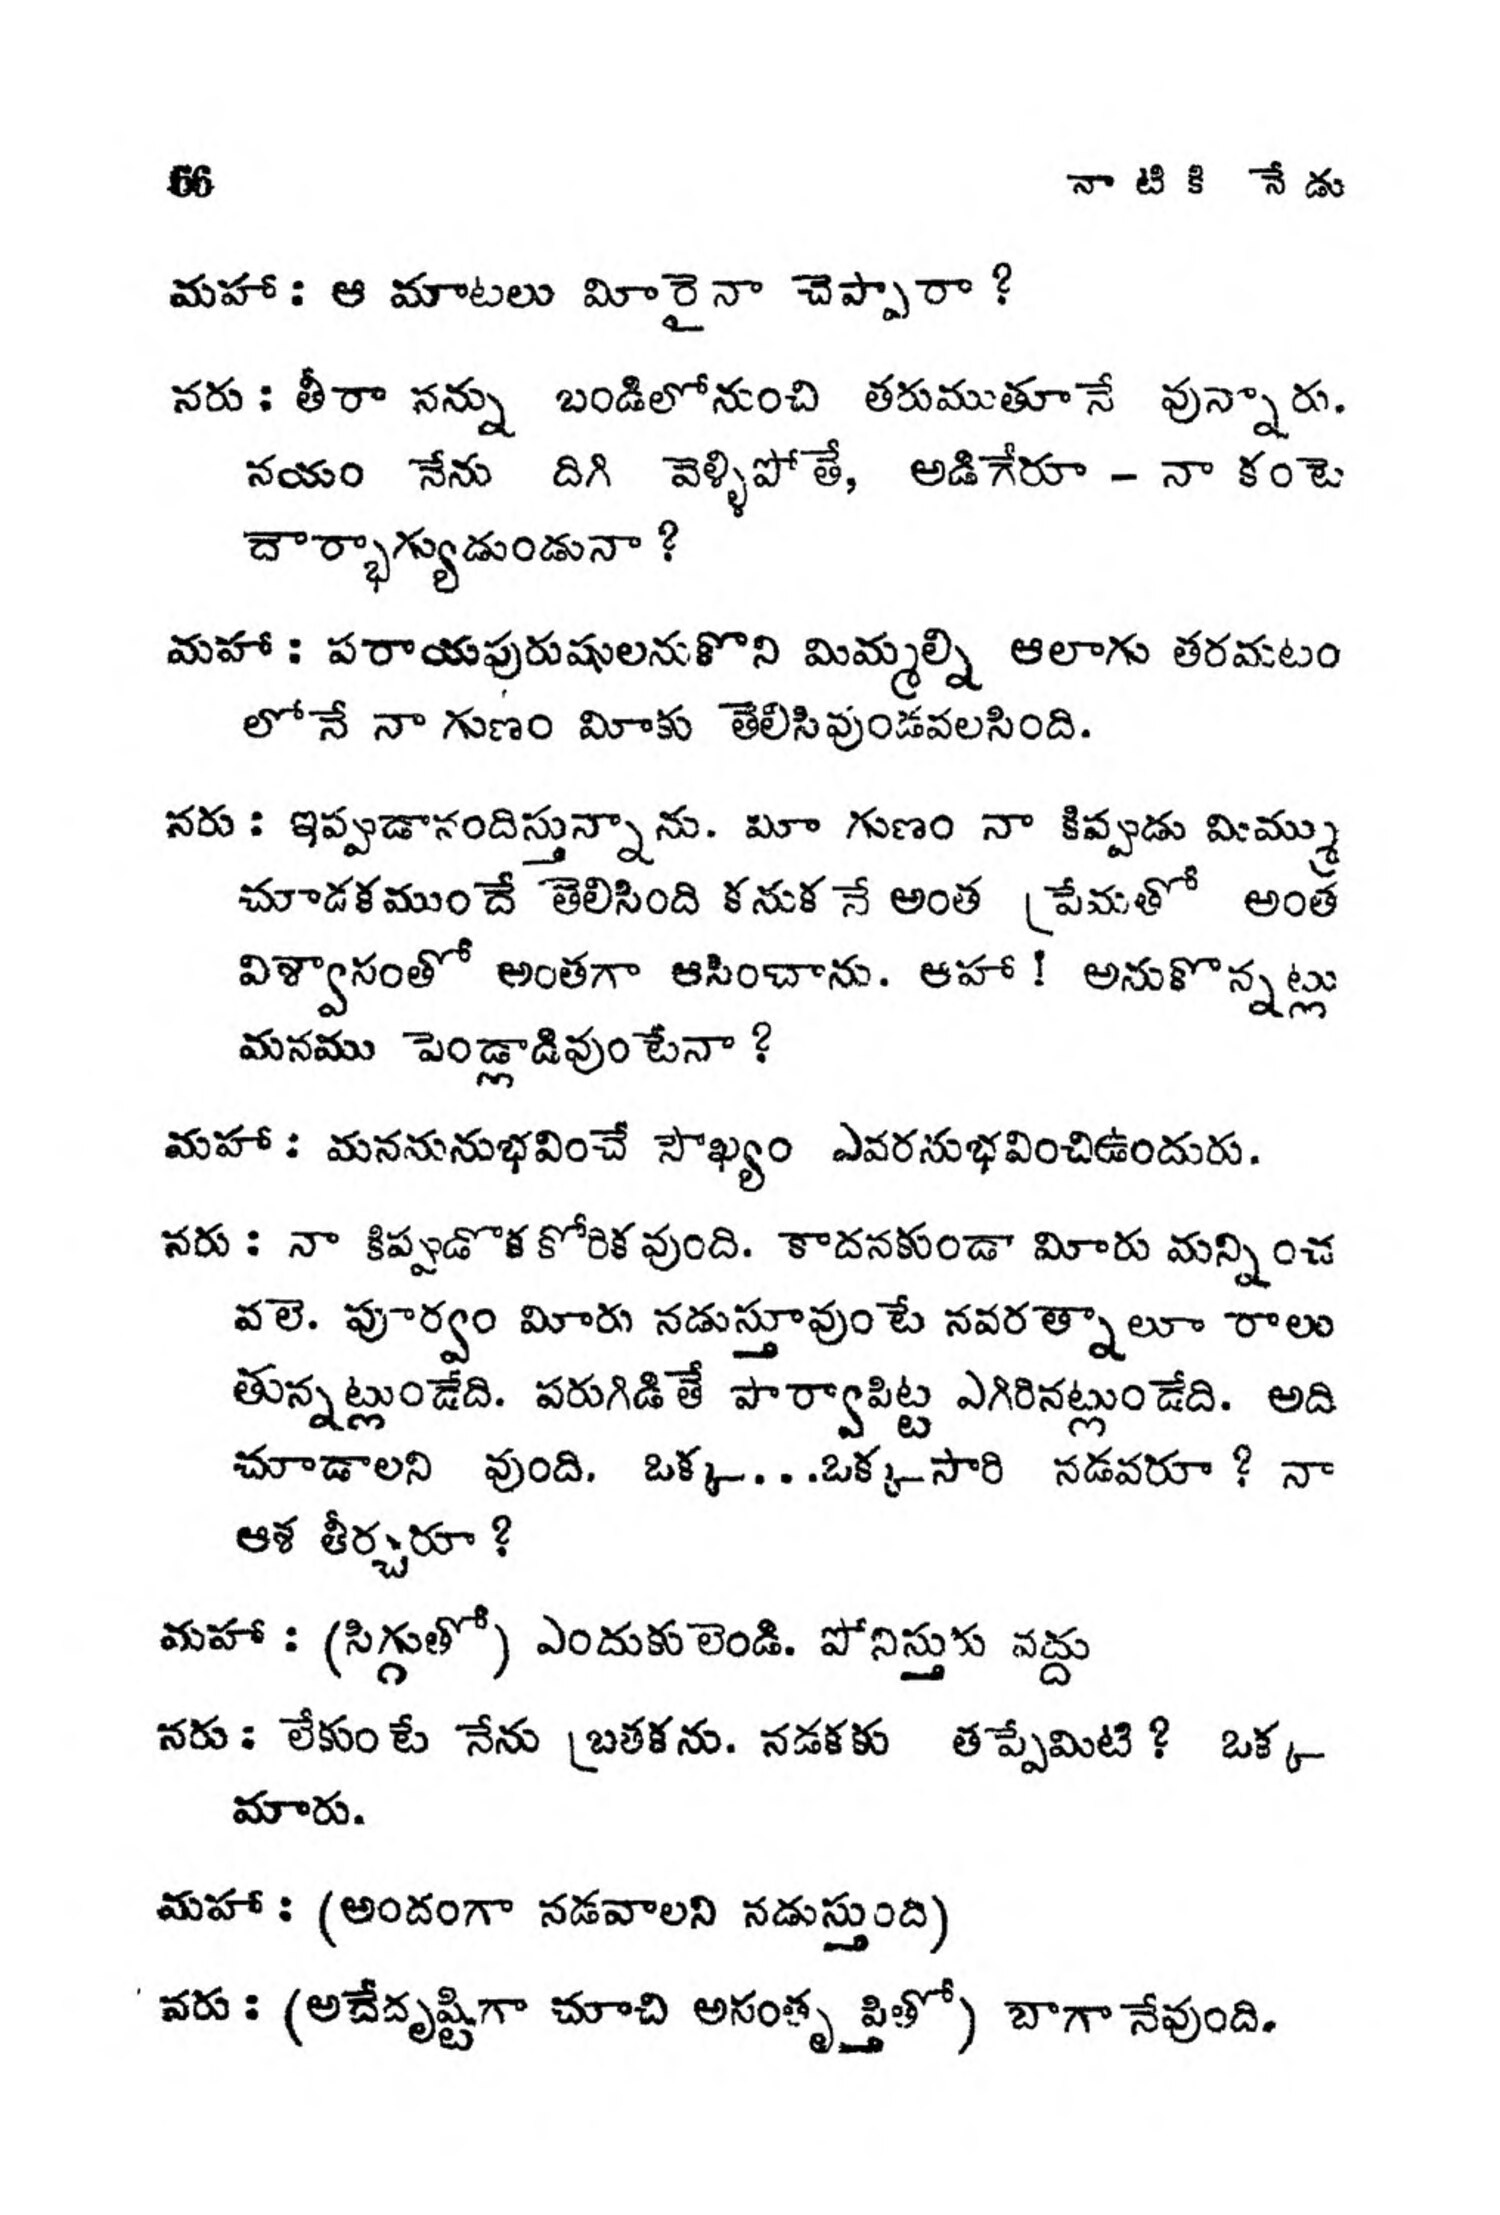మహా : ఆ మాటలు మీరైనా చెప్పారా ?

నరు : తీరా నన్ను బండిలోనుంచి తరుముతూనే వున్నారు. నయం నేను దిగి వెళ్ళిపోతే, అడిగేరూ - నా కంటె
దౌర్భాగ్యుడుండునా ?

మహా : పరాయపురుషులనుకొని మిమ్మల్ని ఆలాగు తరమటంలోనే నా గుణం మీకు తెలిసివుండవలసింది.

నరు : ఇప్పుడానందిస్తున్నాను. మీ గుణం నా కిప్పుడు మిమ్ము చూడకముందే తెలిసింది కనుకనే అంత ప్రేమతో అంత విశ్వాసంతో అంతగా ఆసించాను. ఆహా! అనుకొన్నట్లు మనము పెండ్లాడివుంటేనా ?

మహా : మనమనుభవించే సౌఖ్యం ఎవరనుభవించిఉందురు.

నరు : నా కిప్పుడొకకోరికవుంది. కాదనకుండా మీరు మన్నించవలె. పూర్వం మీరు నడుస్తూవుంటే నవరత్నాలూ రాలుతున్నట్లుండేది. పరుగిడితే పార్వాపిట్ట ఎగిరినట్లుండేది. అది చూడాలని వుంది. ఒక్క ... ఒక్కసారి నడవరూ ? నా ఆశ తీర్చరూ ?

మహా : (సిగ్గుతో) ఎందుకులెండి. పోనిస్తురు వద్దు

నరు : లేకుంటే నేను బ్రతకను. నడకకు తప్పేమిటి ? ఒక్క మారు.

మహా : (అందంగా నడవాలని నడుస్తుంది)

నరు : (అదేదృష్టిగా చూచి అసంతృప్తితో) బాగానేవుంది.